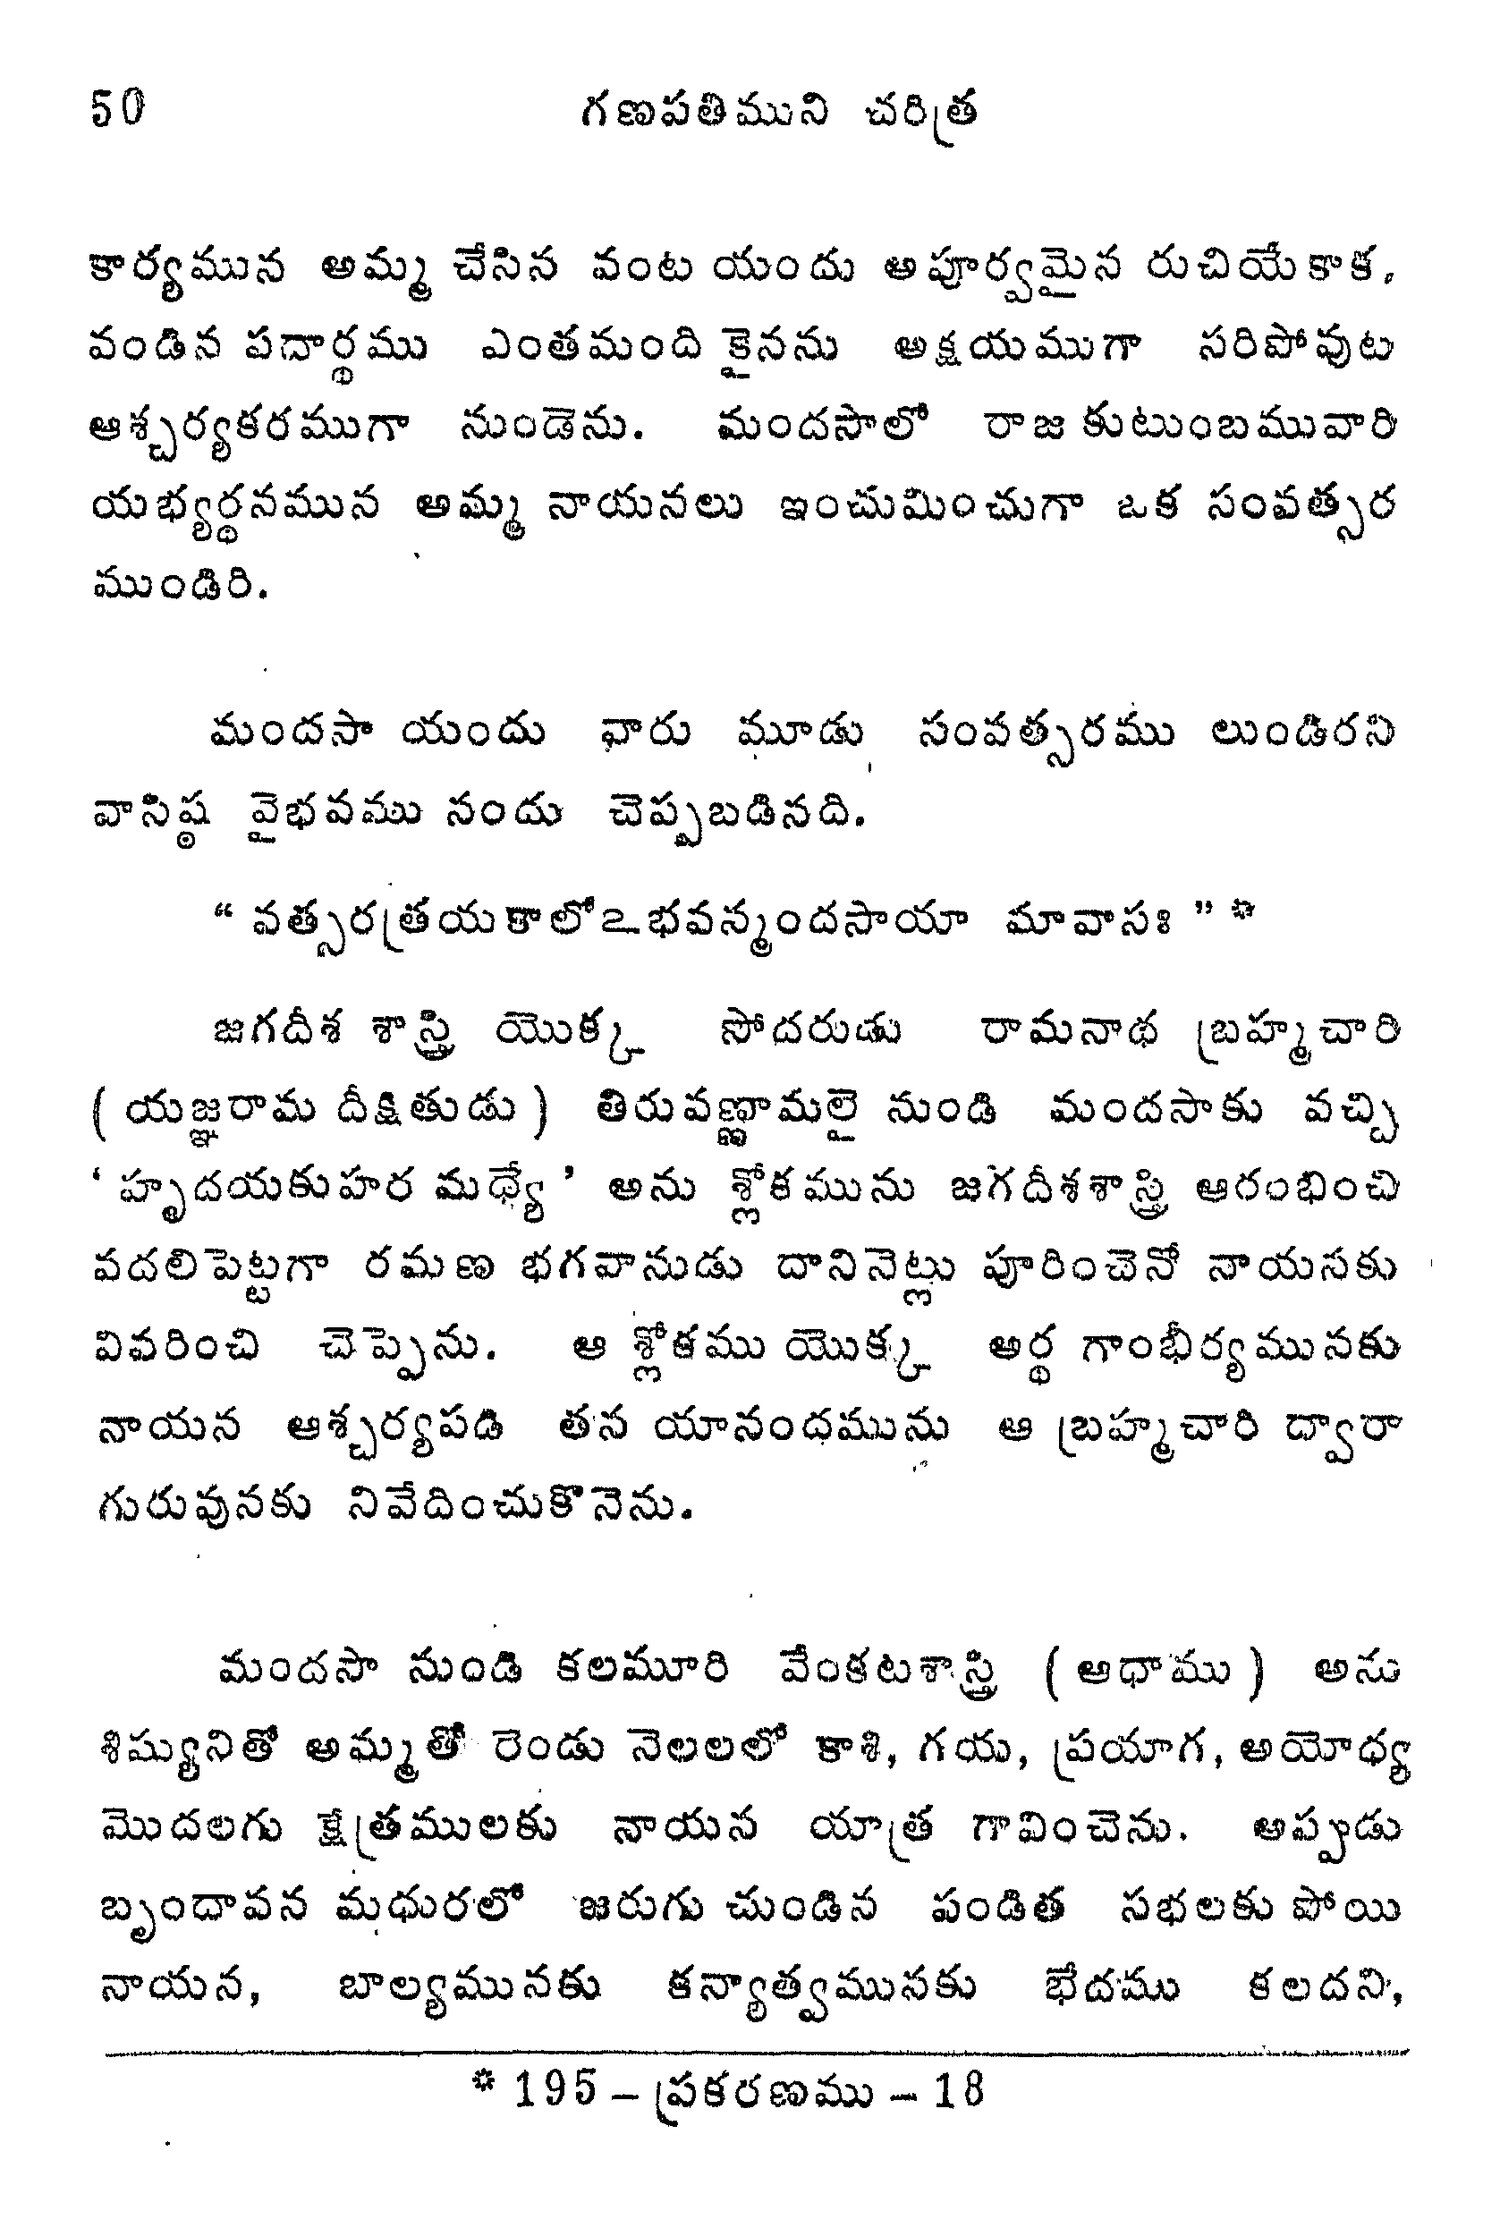కార్యమున అమ్మ చేసిన వంట యందు అపూర్వమైన రుచియేకాక, వండిన పదార్థము ఎంతమంది కైనను అక్షయముగా సరిపోవుట ఆశ్చర్యకరముగా నుండెను. మందసాలో రాజ కుటుంబమువారి యభ్యర్థనమున అమ్మ నాయనలు ఇంచుమించుగా ఒక సంవత్సర ముండిరి.

మందసా యందు వారు మూడు సంవత్సరము లుండిరని వాసిష్ఠ వైభవము నందు చెప్పబడినది.

"వత్సరత్రయకాలోఽభవన్మందసాయా మావాసః"*

జగదీశ శాస్త్రి యొక్క సోదరుడు రామనాథ బ్రహ్మచారి (యజ్ఞరామ దీక్షితుడు) తిరువణ్ణామలై నుండి మందసాకు వచ్చి 'హృదయకుహర మధ్యే' అను శ్లోకమును జగదీశశాస్త్రి ఆరంభించి వదలిపెట్టగా రమణ భగవానుడు దానినెట్లు పూరించెనో నాయనకు వివరించి చెప్పెను. ఆ శ్లోకము యొక్క అర్థ గాంభీర్యమునకు నాయన ఆశ్చర్యపడి తన యానందమును ఆ బ్రహ్మచారి ద్వారా గురువునకు నివేదించుకొనెను.

మందసా నుండి కలమూరి వేంకటశాస్త్రి (ఆధాము) అను శిష్యునితో అమ్మతో రెండు నెలలలో కాశి, గయ, ప్రయాగ, అయోధ్య మొదలగు క్షేత్రములకు నాయన యాత్ర గావించెను. అప్పుడు బృందావన మధురలో జరుగు చుండిన పండిత సభలకు పోయి నాయన, బాల్యమునకు కన్యాత్వమునకు భేదము కలదని,